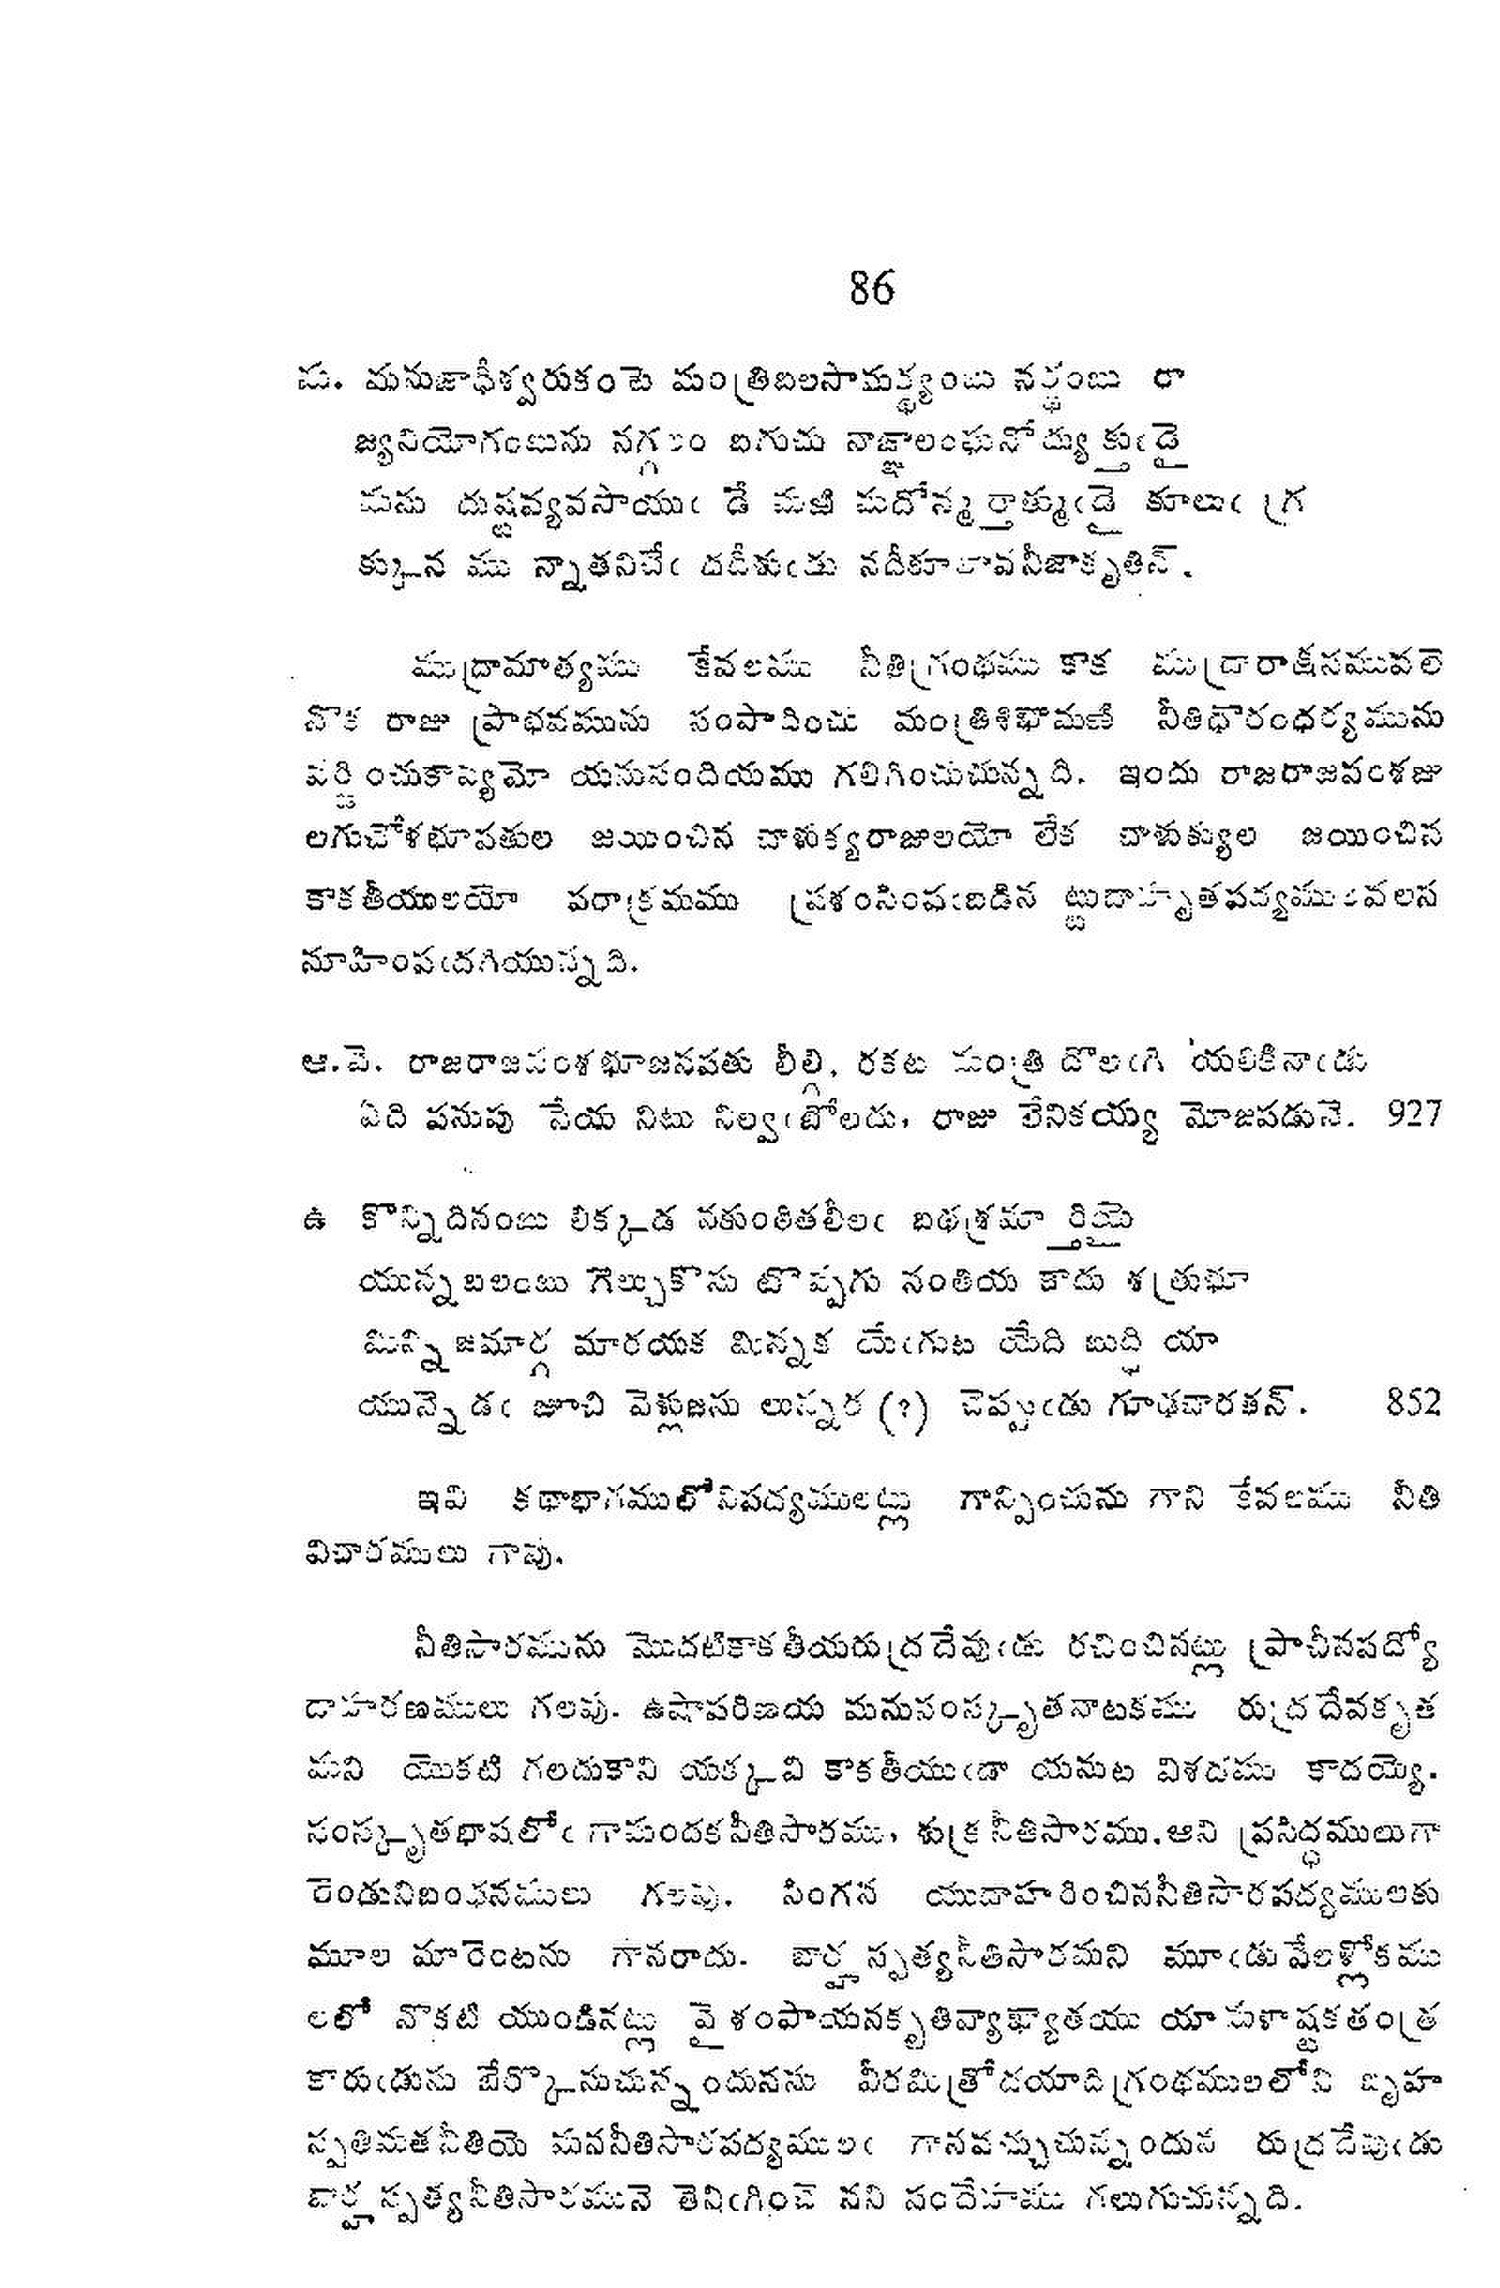ముద్రామాత్యము కేవలము నీతిగ్రంథము కాక ముద్రారాక్షసమువలె నొకరాజు ప్రాభవమును సంపాదించు మంత్రిశిఖామణి నీతిదౌరంధర్యమును వర్ణించుకావ్యమో యనుసందియము గలిగించుచున్నది. ఇందు రాజరాజవంశజు లగుచోళభూపతుల జయించిన చాళుక్యరాజులయో లేక చాళుక్యుల జయించిన కాకతీయులయో పరాక్రమము ప్రశంసింపఁబడిన ట్టుదాహృతపద్యములవలన నూహింపదగియున్నది.

ఇవి కథాభాగములో పద్యములట్లు గాన్పించును గాని కేవలము నీతివిచారములు గావు.

నీతిసారమును మొదటికాకతీయరుద్రదేవుఁడు రచించినట్లు ప్రాచీనపద్యోదాహరణములు గలవు. ఉషాపరిణయ మనుసంస్కృతనాటకము రుద్రదేవకృత మని యొకటి గలదు కాని యక్కవి కాకతీయుఁడా యనుట విశదము కాదయ్యె. సంస్కృతభాషలోఁ గామందకనీతిసారము, శుక్రనీతిసారము అని ప్రసిద్ధములుగా రెండు నిబంధనములు గలవు. సింగన యుదాహరించిన నీతిసారపద్యములకు మూల మారెంటను గానరాదు. బార్హస్పత్యనీతిసార మని మూఁడువేలశ్లోకములలో నొకటి యుండినట్లు వైశంపాయనకృతివ్యాఖ్యాతయు యామళాష్టకతంత్రకారుఁడుసు బేర్కొనుచున్నందునను వీరమిత్రోదయాదిగ్రంథములలోని బృహస్పతిమతనీతియె మననీతిసారపద్యములఁ గానవచ్చుచున్నందున రుద్రదేవుఁడు బార్హస్పత్యనీతిసారమునె తెనిఁగించె నని సందేహము గలుగుచున్నది.